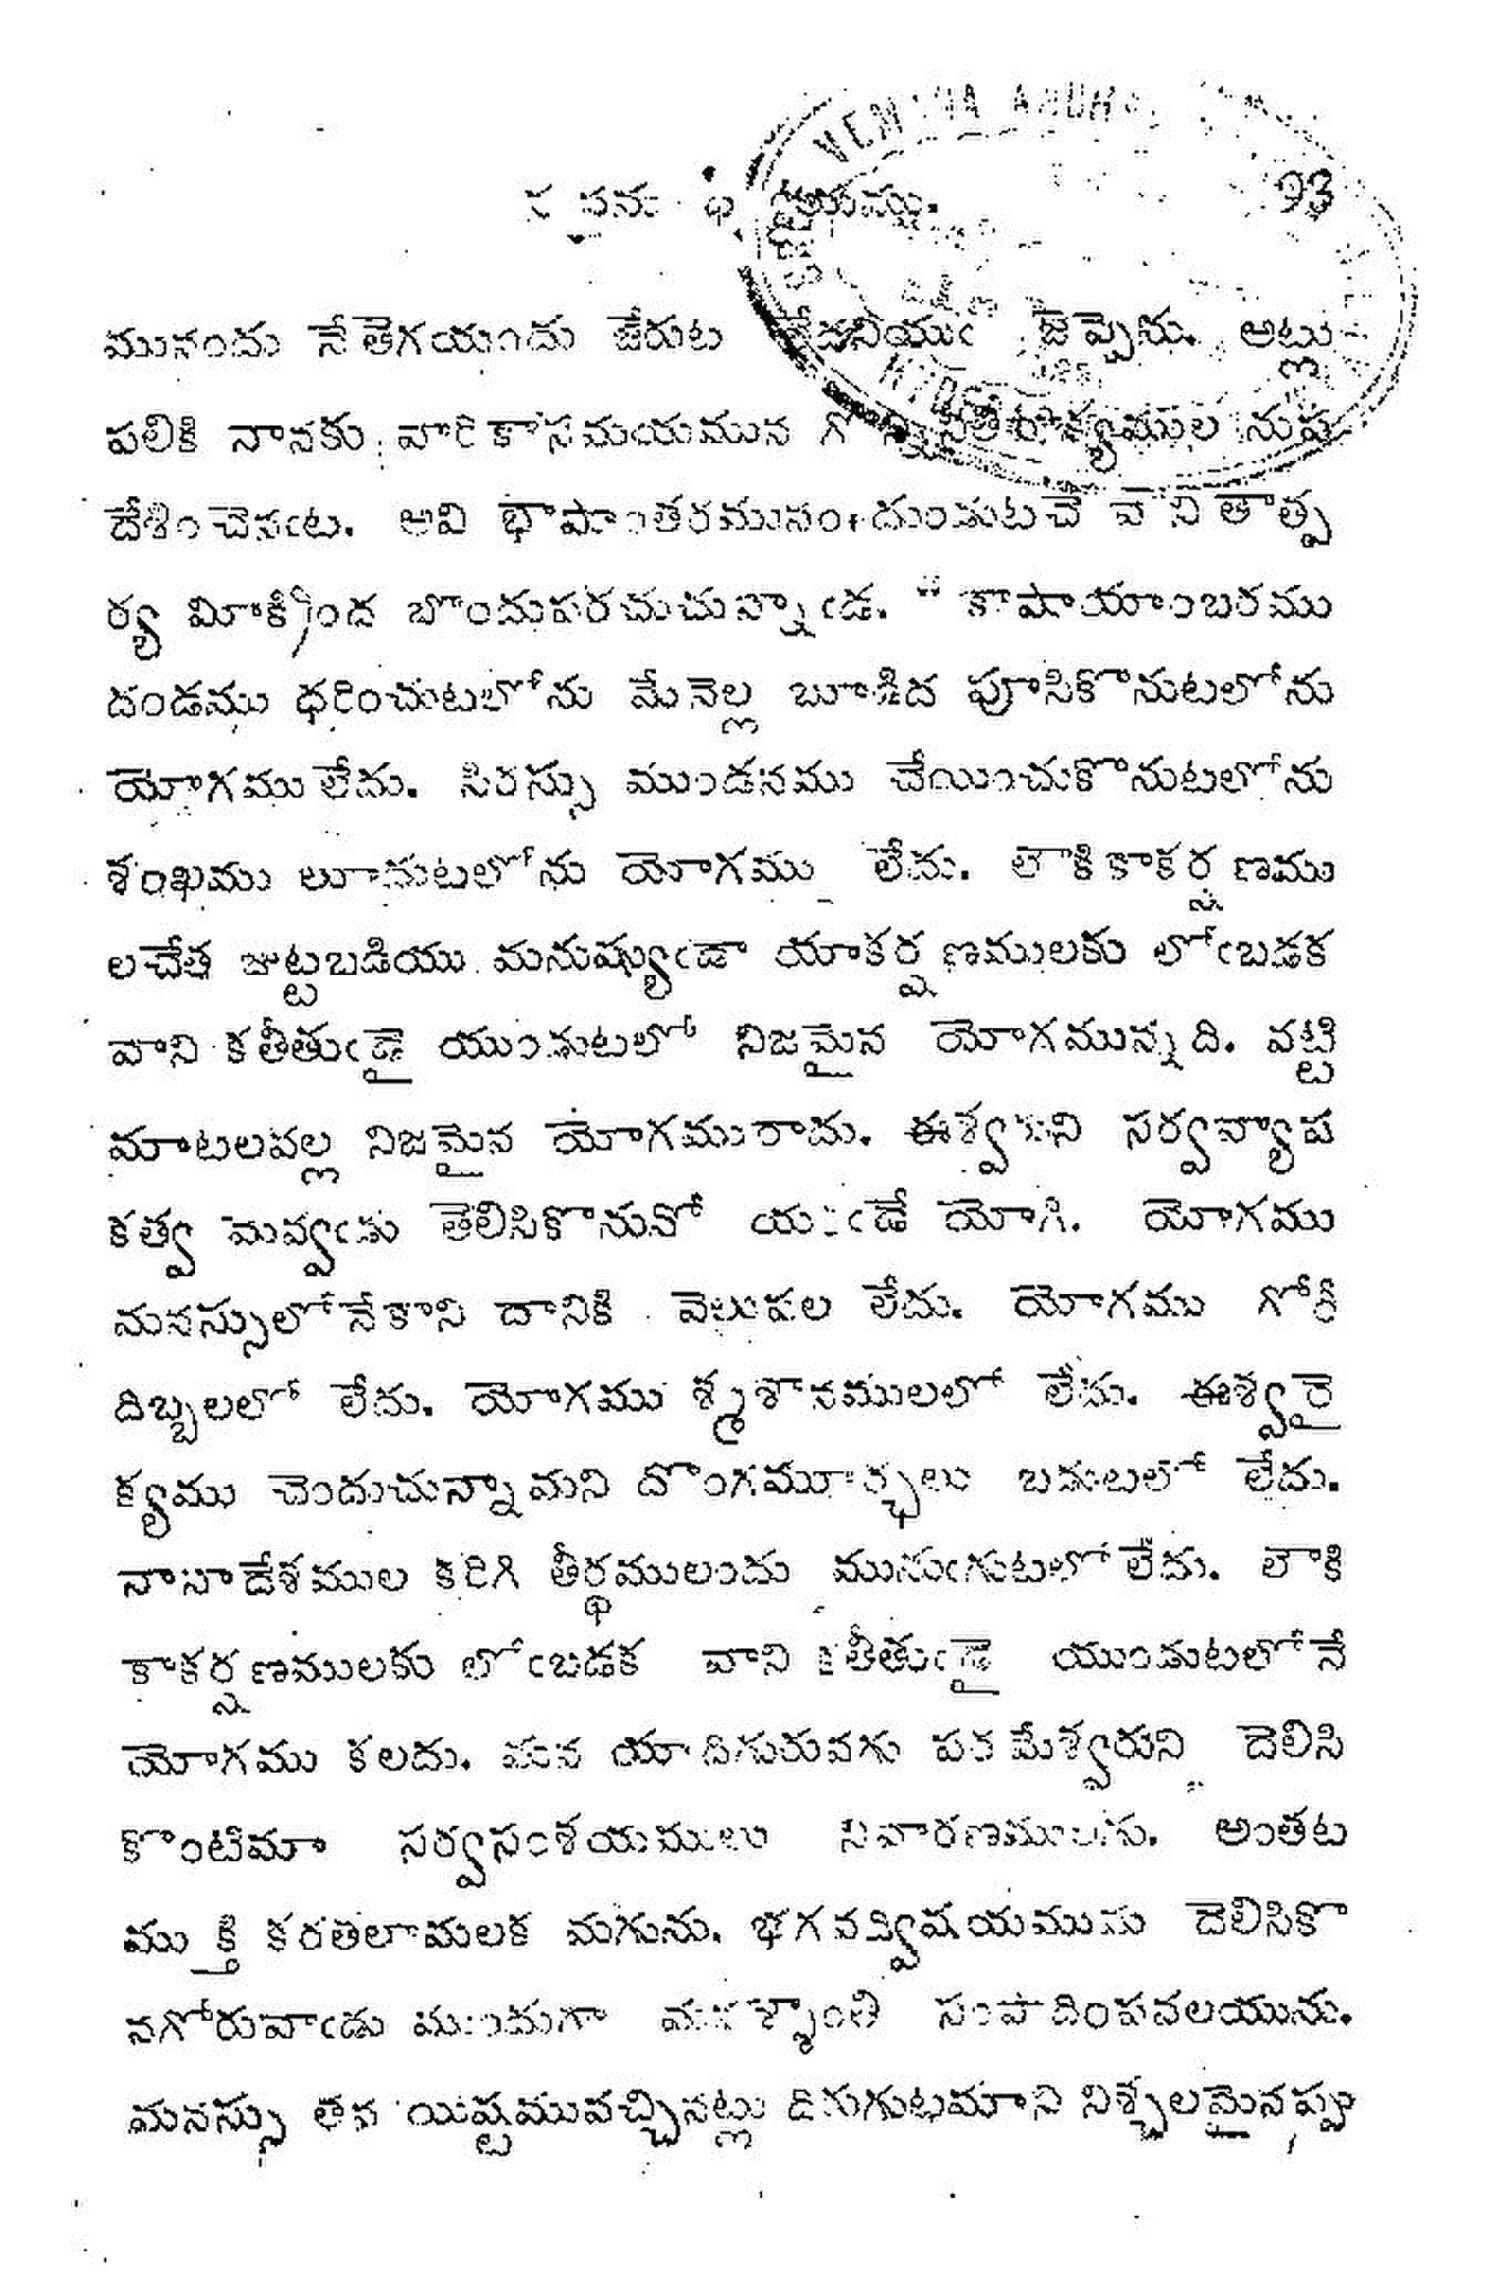మునందు నేతెగయందు జేరుట లేదనియు జెప్పెను. అట్లుపలికి నానకు వారికాసమయమున గొన్ని నీతివాక్యముల నుపదేశించినట. అవి భాషాంతరమునం దుండుటచే వానితాత్పర్య మీక్రింద బొందుపరచుచున్నాడ. "కాషాయాంబరము దండము ధరించుటలోను మేనెల్ల బూడిద పూసికొనుటలోను యోగములేదు. సిరస్సు ముండనము చేయించుకొనుటలోను శంఖము లూదుటలోను యోగము లేదు. లౌకికాకర్షణములచేత జుట్టబడియు మనుష్యుడా యాకర్షణములకు లోబడక వాని కతీతుడై యుండుటలో నిజమైన యోగమున్నది. వట్టిమాటలవల్ల నిజమైన యోగమురాదు. ఈశ్వరుని సర్వవ్యాపకత్వ మెవ్వడు తెలిసికొనువో యతడే యోగి. యోగము మనస్సులోనేకాని దానికి వెలుపల లేదు. యోగము గోరీ దిబ్బలలో లేదు. యోగము శ్మశానములలో లేదు. ఈశ్వరైక్యము చెందుచున్నామని దొంగమూర్ఛలు బడుటలోలేదు. నానాదేశముల కరిగి తీర్థములందు మునుగుటలోలేదు. లౌకికాకర్షణములకు లోబడక వాని కతీతుడై యుండుటలోనే యోగము కలదు. మన యాదిగురువగు పరమేశ్వరుని దెలిసికొంటిమా సర్వసంశయములు నివారణములగు. అంతట ముక్తి కరతలామలక మగును. భగవద్విషయమును దెలిసికొనగోరువాడు ముందుగా మనశ్శాంతి సంపాదింపవలయును. మనస్సు తన యిష్టమువచ్చినట్లు దిరుగుటమాని నిశ్చలమైనప్పు